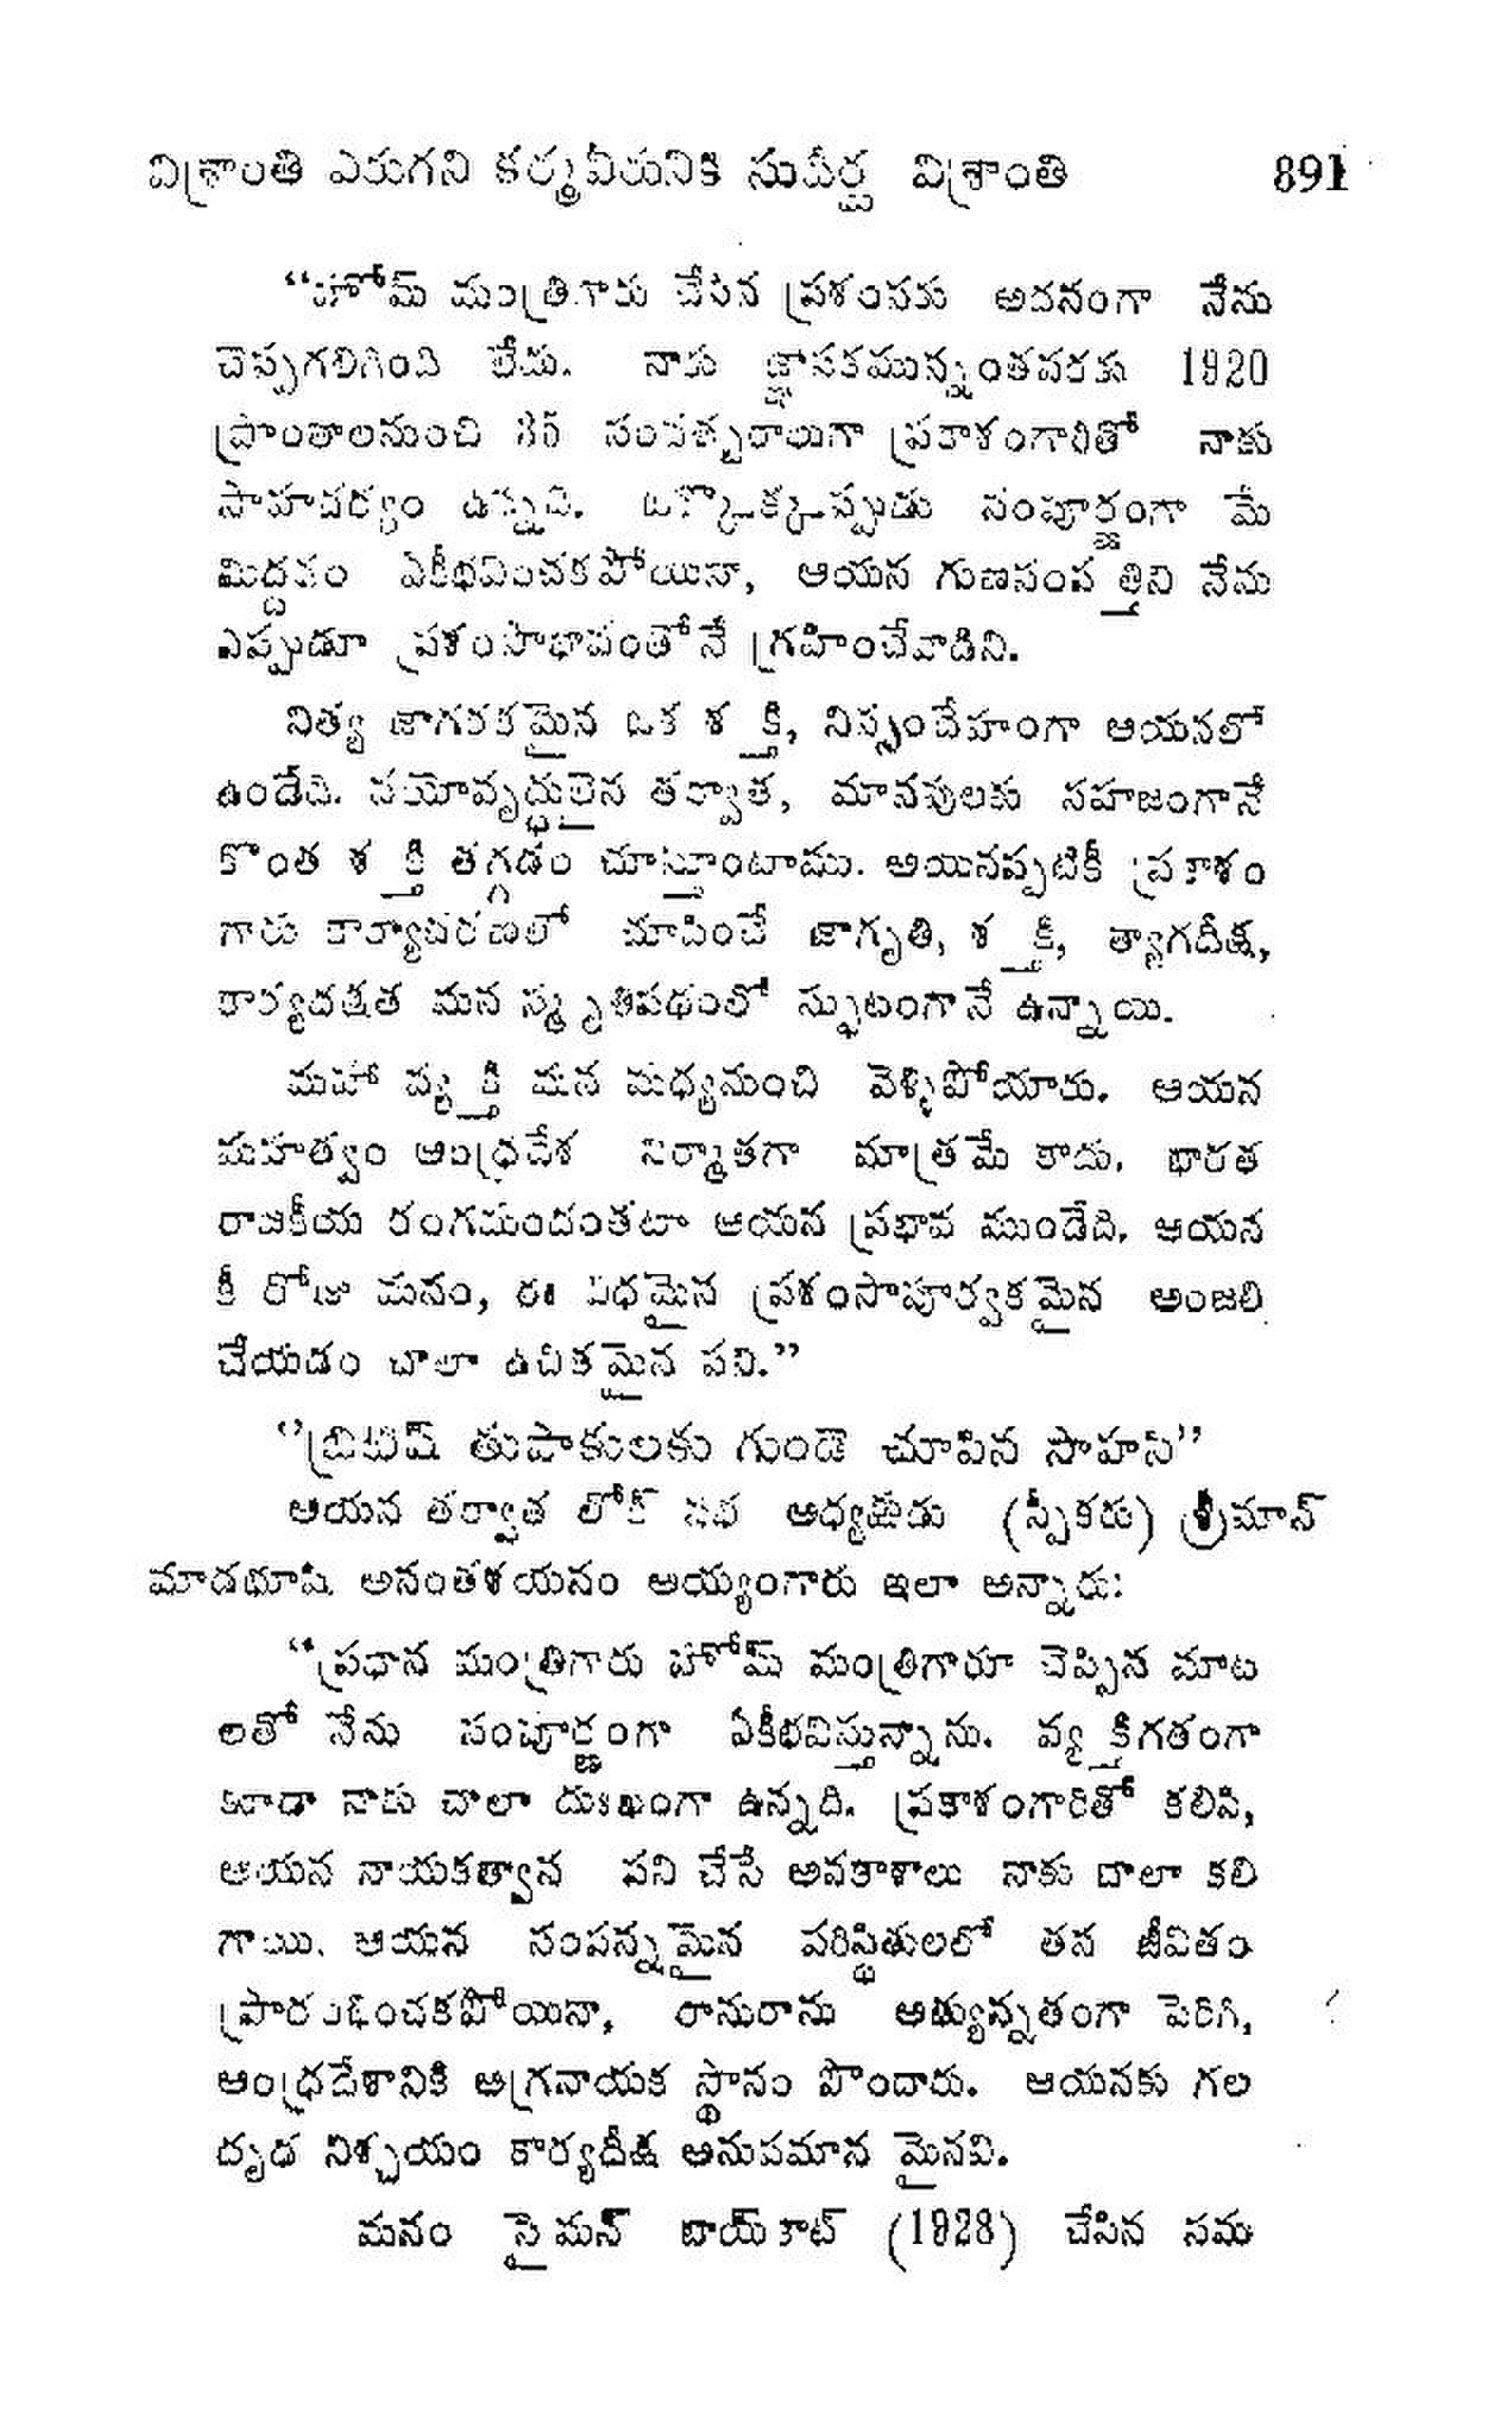"హోమ్ మంత్రిగారు చేసిన ప్రశంసకు అదనంగా నేను చెప్పగలిగింది లేదు. నాకు జ్ఞాపకమున్నంతవరకు 1920 ప్రాంతాలనుంచి 35 సంవత్సరాలుగా ప్రకాశంగారితో నాకు సాహచర్యం ఉన్నది. ఒక్కొక్కప్పుడు సంపూర్ణంగా మేమిద్దరం ఏకీభవించకపోయినా, ఆయన గుణసంపత్తిని నేను ఎప్పుడూ ప్రశంసాభావంతోనే గ్రహించేవాడిని.

నిత్య జాగరకమైన ఒక శక్తి, నిస్సందేహంగా ఆయనలో ఉండేది. వయోవృద్ధులైన తర్వాత, మానవులకు సహజంగానే కొంత శక్తి తగ్గడం చూస్తూంటాము. అయినప్పటికీ ప్రకాశంగారు కార్యాచరణలో చూపించే జాగృతి, శక్తి, త్యాగదీక్ష, కార్యదక్షత మన స్మృతిపథంలో స్ఫుటంగానే ఉన్నాయి.

మహా వ్యక్తి మన మధ్యనుంచి వెళ్ళిపోయారు. ఆయన మహత్వం ఆంధ్రదేశ నిర్మాతగా మాత్రమే కాదు. భారత రాజకీయ రంగమందంతటా ఆయన ప్రభావ ముండేది. ఆయన కీ రోజు మనం, ఈ విధమైన ప్రశంసాపూర్వకమైన అంజలి చేయడం చాలా ఉచితమైన పని."

ఆయన తర్వాత లోక్ సభ అధ్యక్షుడు (స్పీకరు) శ్రీమాన్ మాడభూషి అనంతశయనం అయ్యంగారు ఇలా అన్నారు:

"ప్రధాన మంత్రిగారు హోమ్ మంత్రిగారూ చెప్పిన మాటలతో నేను సంపూర్ణంగా ఏకీభవిస్తున్నాను. వ్యక్తిగతంగా కూడా నాకు చాలా దు:ఖంగా ఉన్నది. ప్రకాశంగారితో కలిసి, ఆయన నాయకత్వాన పని చేసే అవకాశాలు నాకు చాలా కలిగాయి. ఆయన సంపన్నమైన పరిస్థితులలో తన జీవితం ప్రారంభించకపోయినా, రానురాను అత్యున్నతంగా పెరిగి, ఆంధ్రదేశానికి అగ్రనాయక స్థానం పొందారు. ఆయనకు గల దృఢ నిశ్చయం కార్యదీక్ష అనుపమాన మైనవి.

మనం సైమన్ బాయ్కాట్ (1928) చేసిన సమ